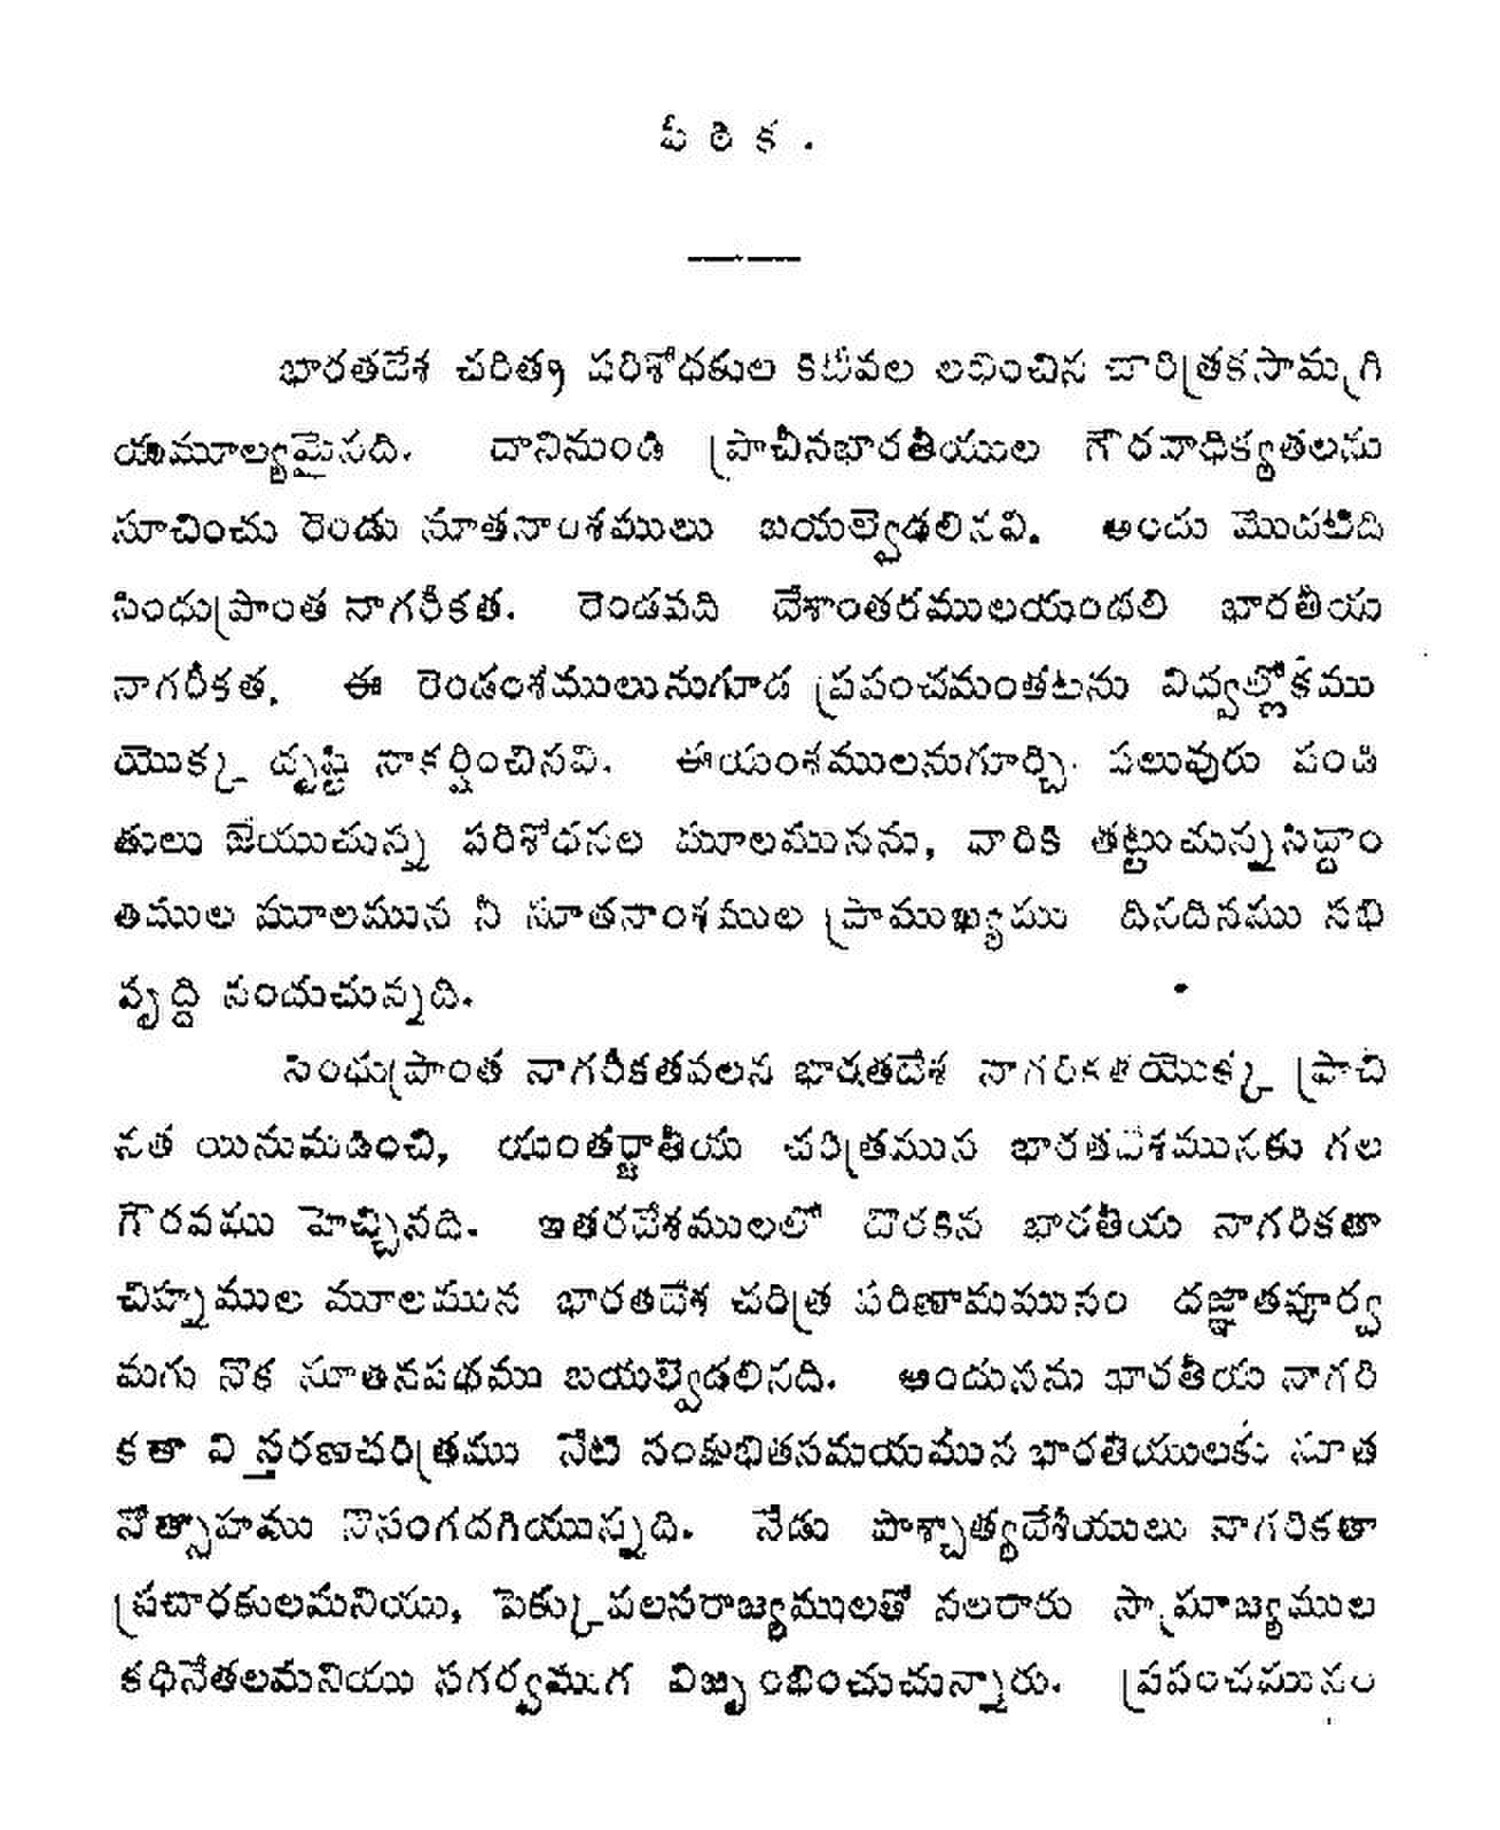భారతదేశ చరిత్ర పరిశోధకుల కిటీవల లభించిన చారిత్రకసామగ్రి యమూల్యమైనది. దానినుండి ప్రాచీనభారతీయుల గౌరవాధిక్యతలను సూచించు రెండు నూతనాంశములు బయల్వెడలినవి. అందు మొదటిది సింధుప్రాంత నాగరీకత. రెండవది దేశాంతరములయందలి భారతీయ నాగరీకత. ఈ రెండంశములునుగూడ ప్రపంచమంతటను విద్వల్లోకము యొక్క దృష్టి నాకర్షించినవి. ఈయంశములనుగూర్చి పలువురు పండితులు జేయుచున్న పరిశోధనల మూలమునను, వారికి తట్టుకున్న సిద్ధంతముల మూలమున నీ నూతనాంశముల ప్రాముఖ్యము దినదినము నభివృద్ధి నందుచున్నది.

సింధుప్రాంత నాగరీకత వలన భారతదేశ నాగరీకత యొక్క ప్రాచినత యినుమడించి, యంతర్జాతీయ చరిత్రమున భారతదేశమునకు గల గౌరవము హెచ్చినది. ఇతర దేశములలో దొరకిన భారతీయ నాగరికతా చిహ్నముల మూలమున భారతదేశ చరిత్ర పరిణామమునం దజ్ఞాతపుర్వమగు నొక నూతనపథము బయల్వెడలినది. అందునను భారతీయ నాగరికతా విస్తరణ చరిత్రము నేటి సంక్షుభిత సమయమున భారతీయులకు నూతనోత్సాహము నొసంగదగియున్నది. నేను పాశ్చాత్యదేశీయులు నాగరికతా ప్రచారకులమనియు, పెక్కు వలసరాజ్యములతో సామ్రాజ్యముల కధినేతలమనియు సగర్వముగ విజృంభించుచున్నారు. ప్రపంచమునం